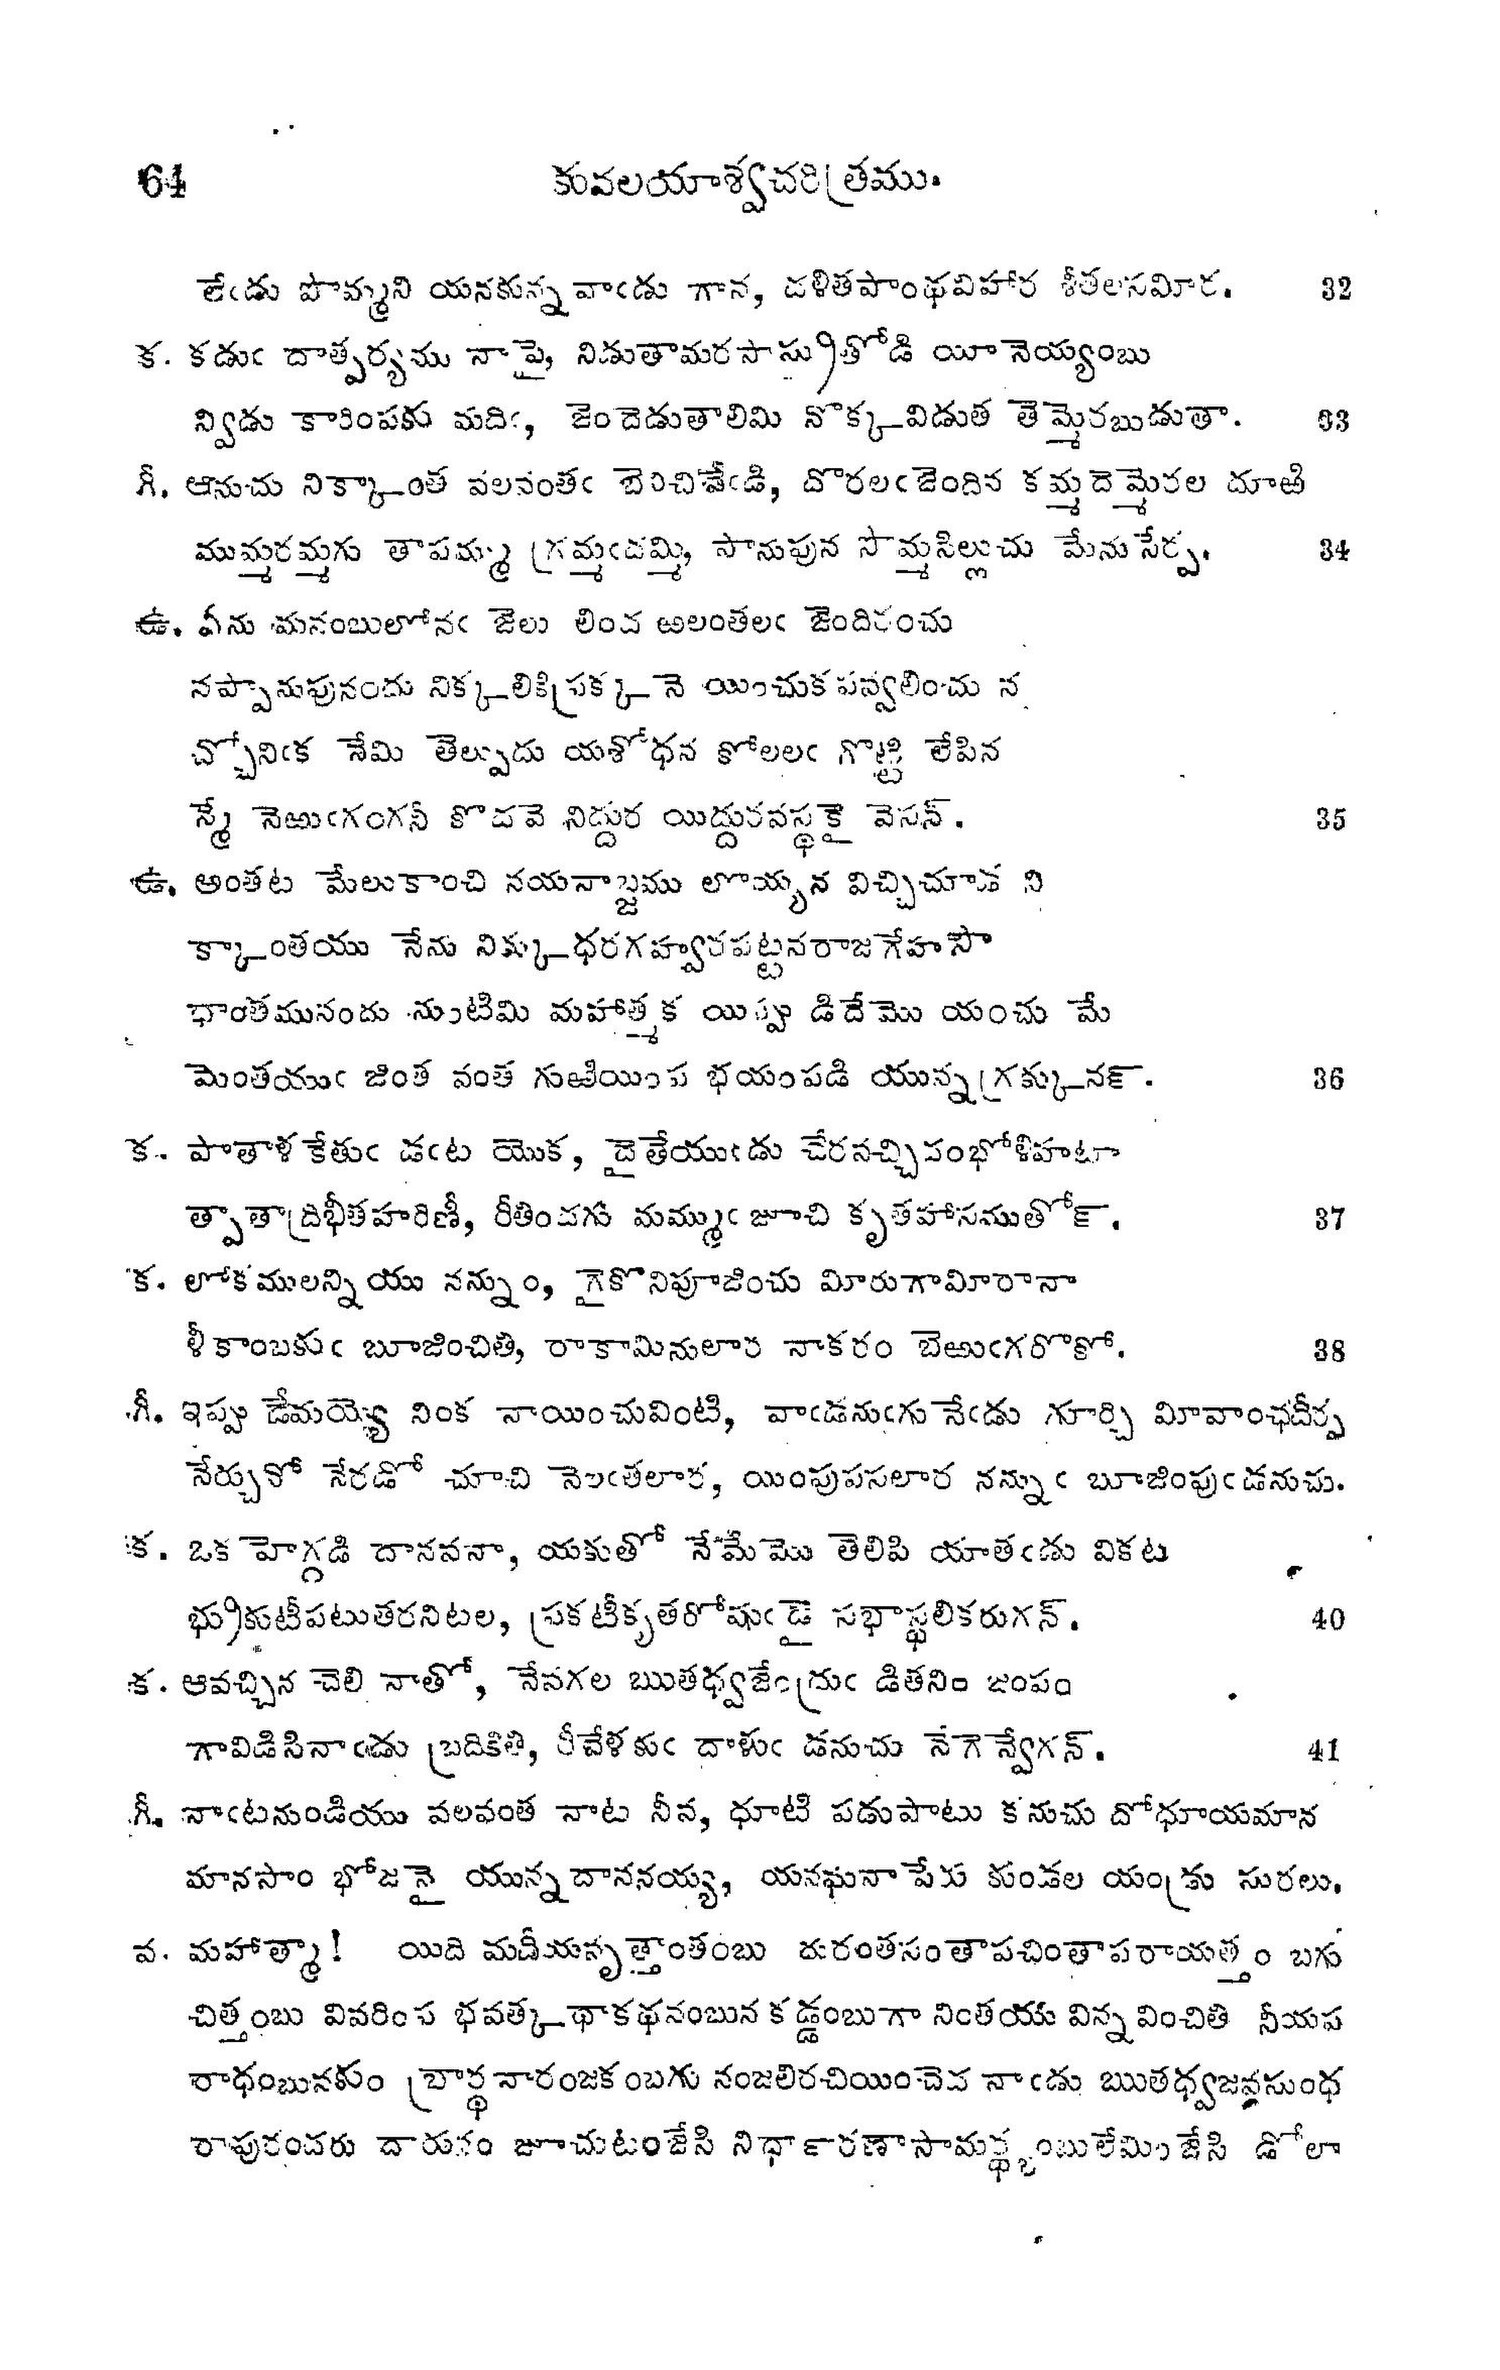లేఁడు పొమ్మని యనకున్నవాఁడు గాన, దళితపాంథవిహార శీతలసమీర.
క. కడుఁ దాత్పర్యము నాపై, నిడుతామరపాస్రుతోడి యీనెయ్యంబు
న్విడు కారింపకు మదిఁ, జెందెడుతాలిమి నొక్కవిడుత తెమ్మెరబుడుతా.
గీ. ఆనుచు నిక్కాంత వలవంతఁ బెంచి వేఁడి, దొరలఁజెందిన కమ్మదెమ్మెరల దూఱి
ముమ్మరమగు తాపమ్ము గ్రమ్మిఁ దమ్మి, పానుపున సొమ్మసిల్లుచు మేను సేర్ప.
ఉ. ఏను మనంబులోనఁ జెలు లింద ఱలంతలఁ జెందిరంచు
నప్పానుపునందు నిక్కలికిప్రక్కనె యించుక పవ్వలించు న
చ్చోనిఁక నేమి తెల్పుదు యశోధన కోలలఁ గొట్టి లేపిన
న్మే నెఱుఁగంగనీ కొదవె నిద్దుర యిద్దురవస్థకై వెసన్.
ఉ, అంతట మేలు కాంచి నయనాబ్జము లొయ్యన విచ్చిచూడ ని
క్కాంతయు నేను నిక్కుధరగహ్వరపట్టనరాజగేహసౌ
ధాంతమునందు నుంటిమి మహాత్మక యిప్పు డిదేమొ యంచు మే
మెంతయుఁ జింత వంత గుఱియింప భయంపడి యున్న గ్రక్కునన్.
క. పాతాళకేతుఁ డఁట యొక, దైతేయుఁడు చేరవచ్చి దంభోళిహటా
త్పాతాద్రిభీతహరిణీ, రీతిం దగు మమ్ముఁ జూచి కృతహాసముతోన్.
క. లోకములన్నియు నన్నుం, గైకొని పూజించు మీరుగా మీ రానా
ళీకాంబకుఁ బూజించితి, రాకామినులార నాకరం బెఱుఁగరొకో.
గీ. ఇప్పు డేమయ్యె నింక నాయించువింటి, వాఁ డనుఁగునేఁడు గూర్చి మీవాంఛ దీర్చ
నేర్చునో నేరడో చూచి నెలఁతలార, యింపుపసలార నన్నుఁ బూజింపుఁ డనుచు.
క. ఒక హెగ్గడి దానననా, యకుతో నేమేమొ తెలిపి యాతఁడు వికట
భ్రుకుటీపటుతరనిటల, ప్రకటీకృతరోషుఁడై సభాస్థలి కరుగన్.
క. ఆవచ్చిన చెలి నాతో, నేవగల ఋతధ్వజేంద్రుఁ డితనిం జంపం
గా విడిసినాఁడు బ్రదికితి, రీవేళ కుఁ దాళుఁ డనుచు నేగె న్వేగన్.
గీ. నాఁటనుండియు వలవంత నాట నీవ, ధూటి పడుపాటు కనుచు దోధూయమాన
మానసాంభోజనై యున్నదాననయ్య, యనఘ నాపేరు కుండల యండ్రు సురలు.
వ. మహాత్మా! యిది మదీయవృత్తాంతంబు దురంతసంతాపచింతాపరాయత్తం బగు
చిత్తంబు వివరింప భవత్కథాకథనంబున కడ్డంబుగా నింతయు విన్నవించితి నీయప
రాధంబునకుం బ్రార్థనారంనారంజకంబగు నంజలి రచియించెద నాఁడు ఋతధ్వజవసుంధ
రాపురందరు దారునం జూచుటంజేసి నిర్ధారణాసామర్ఖంబులేమిం జేసి డోలా